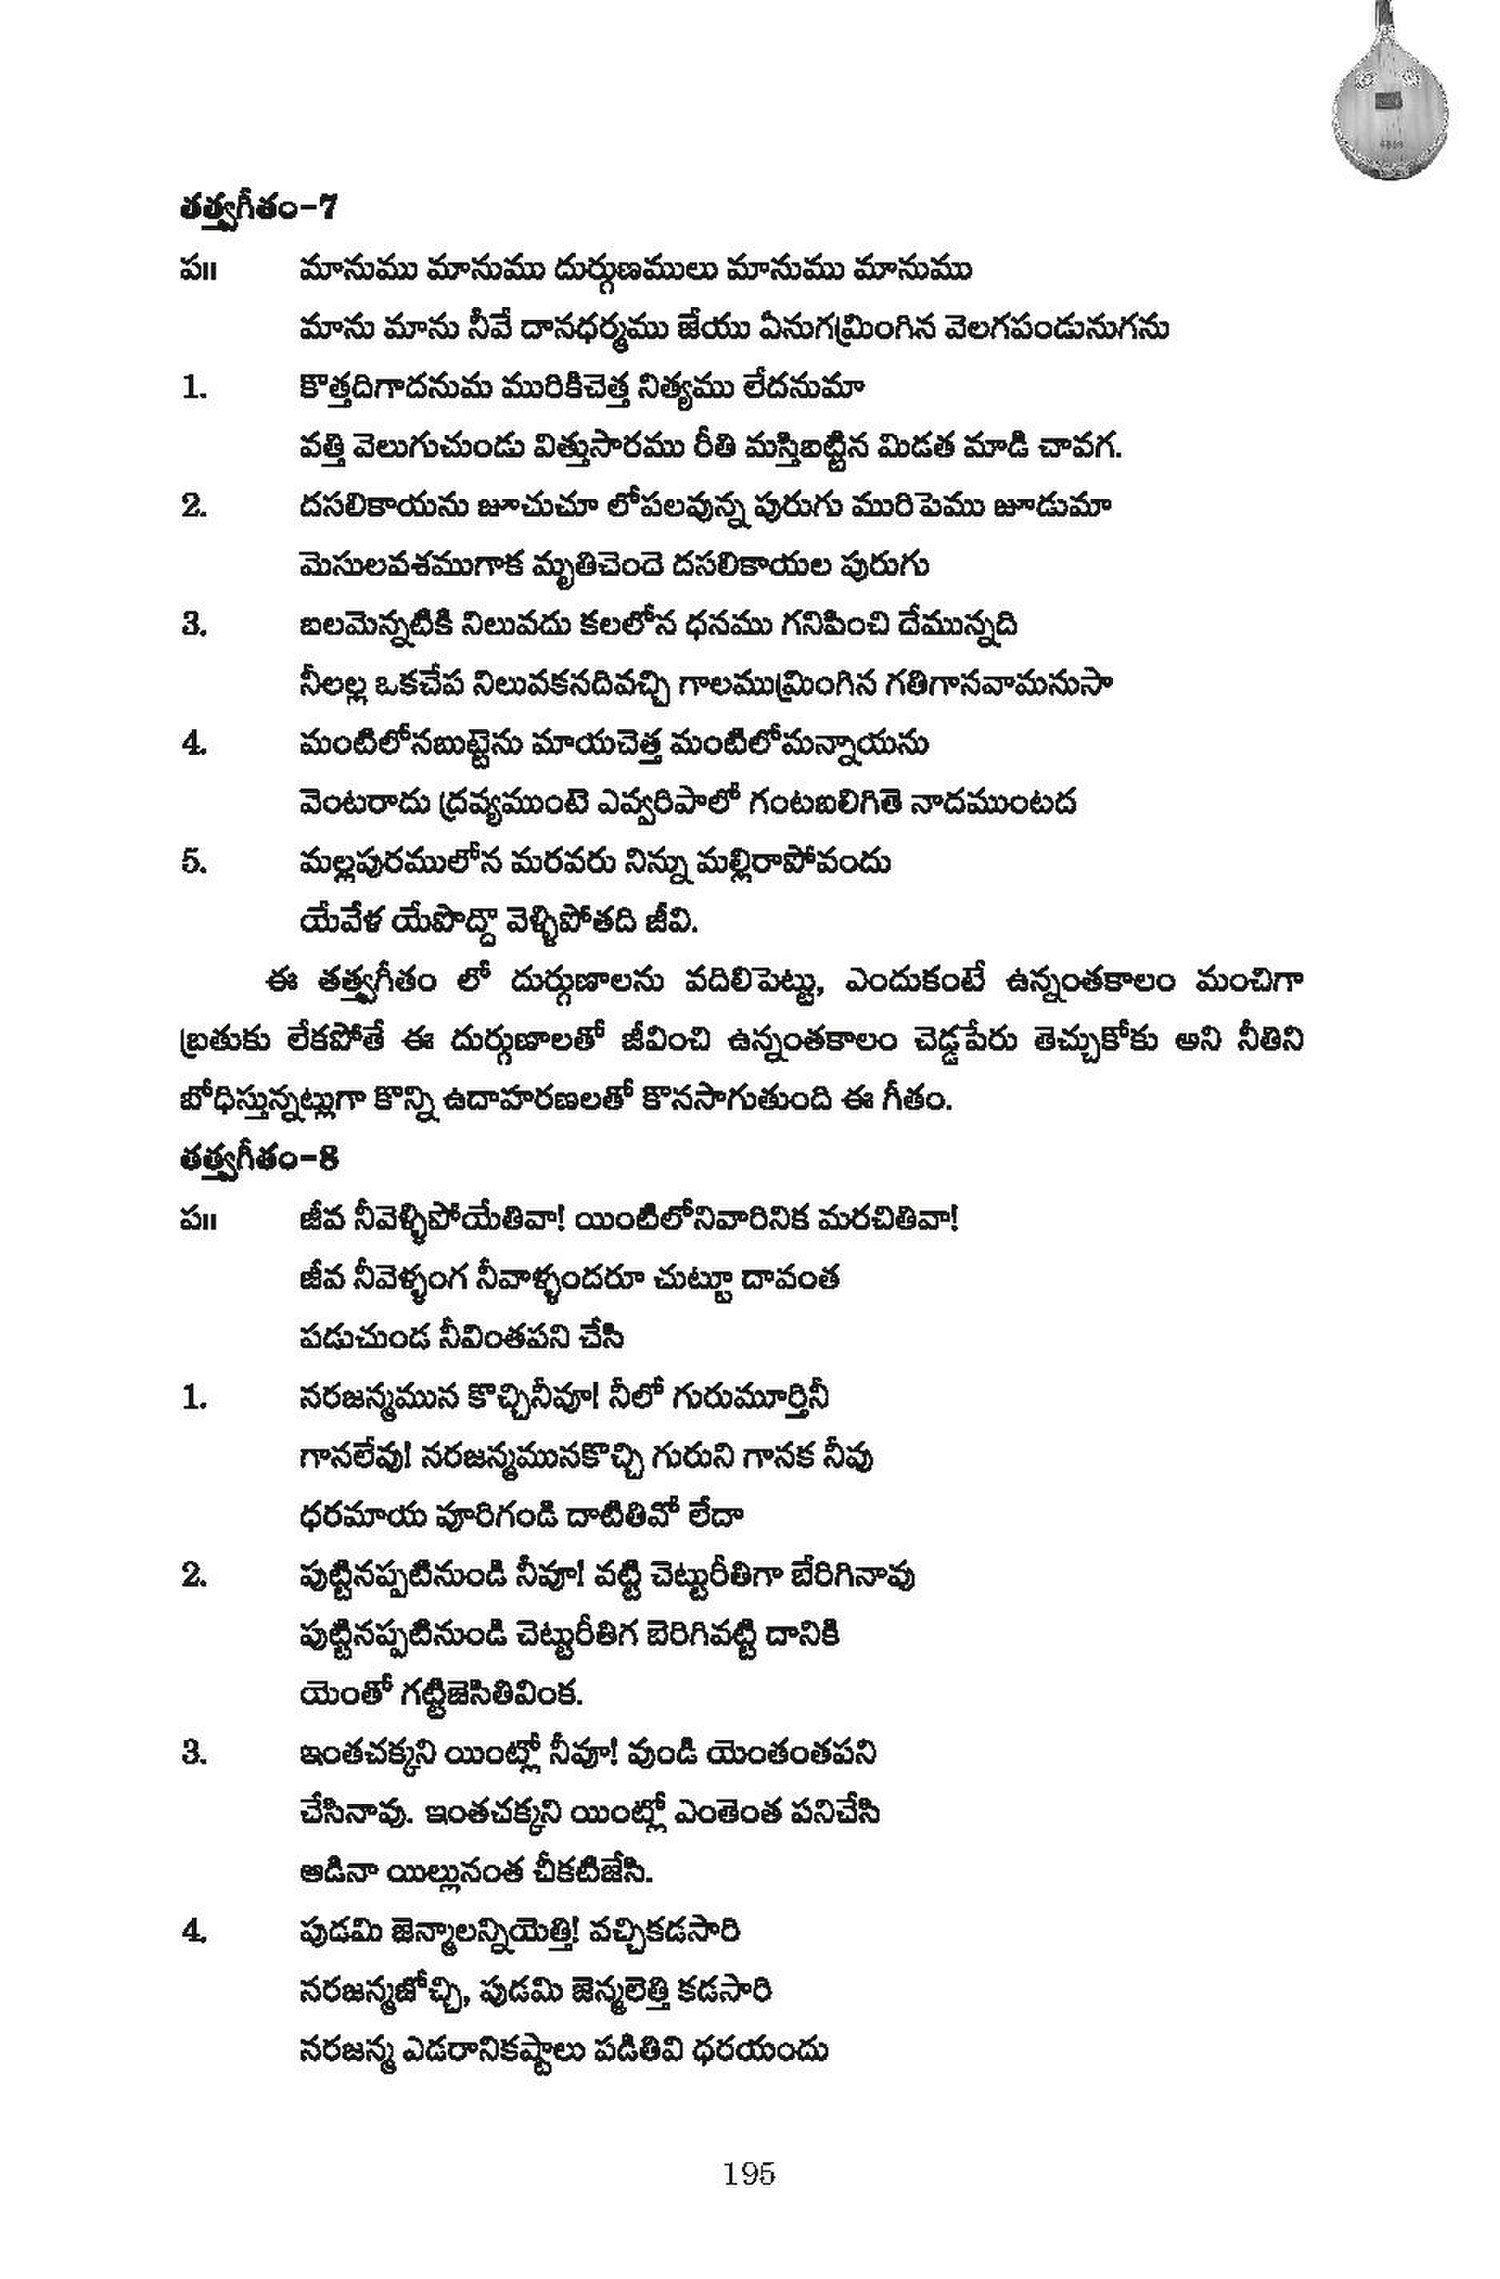తత్త్వగీతం-7

ప౹౹ మానుము మానుము దుర్గుణములు మానుము మానుము
మాను మాను నీవే దానధర్మము జేయు ఏనుగమ్రింగిన వెలగపండునుగను

1. కొత్తదిగాదనుమ మురికిచెత్త నిత్యము లేదనుమా
వత్తి వెలుగుచుండు విత్తుసారము రీతి మస్తిబట్టిన మిడత మాడి చావగ.

2. దసలికాయను జూచుచూ లోపలవున్న పురుగు మురిపెము జూడుమా
మెసులవశముగాక మృతిచెందే దసలికాయల పురుగు

3. బలమెన్నటికి నిలువదు కలలోన ధనము గనిపించి దేమున్నది
నీలల్ల ఒకచేప నిలువకనదివచ్చి గాలముమ్రింగిన గతిగానవామనుసా

4. మంటిలోనబుట్టెను మాయచెత్త మంటిలో మన్నాయను
వెంటరాదు ద్రవ్యముంటె ఎవ్వరిపాలో గంటబలిగితె నాదముంటద

5. మల్లపురములోన మరవరు నిన్ను మల్లిరాపోవందు
యేవేళ యేపొద్దా వెళ్ళిపోతది జీవి.

ఈ తత్త్వగీతం లో దుర్గుణాలను వదిలిపెట్టు, ఎందుకంటే ఉన్నంతకాలం మంచిగా బ్రతుకు లేకపోతే ఈ దుర్గుణాలతో జీవించి ఉన్నంతకాలం చెడ్డపేరు తెచ్చుకోకు అని నీతిని బోధిస్తున్నట్లుగా కొన్ని ఉదాహరణలతో కొనసాగుతుంది ఈ గీతం.

తత్త్వగీతం-8

ప౹౹ జీవ నీవెళ్ళిపోయేతివా! యింటిలోనివారినిక మరచితివా!
జీవ నీవెళ్ళంగ నీవాళ్ళందరూ చుట్టూ దావంత
పడుచుండ నీవింతపని చేసి

1. నరజన్మమున కొచ్చినీవూ! నీలో గురుమూర్తినీ
గానలేవు! నరజన్మమునకొచ్చి గురుని గానక నీవు
ధరమాయ వూరిగండి దాటితివో లేదా

2. పుట్టినప్పటినుండి నీవూ! వట్టి చెట్టురీతిగా బేరిగినావు
పుట్టినప్పటినుండి చెట్టురీతిగ బెరిగిపెట్టి దానికి
యెంతో గట్టిజెసితివింక.

3. ఇంతచక్కని యింట్లో నీవూ! వుండి యెంతంతపని
చేసినావు. ఇంతచక్కని యింట్లో ఎంతెంత పనిచేసి
ఆడినా యిల్లునంత చీకటిజేసి.

4. పుడమి జెన్మాలన్నియెత్తి! వచ్చికడసారి
నరజన్మణోచ్చి, పుడమి జెన్మలెత్తి కడసారి
నరజన్మ ఎడరానికష్టాలు పడితివి ధరయందు